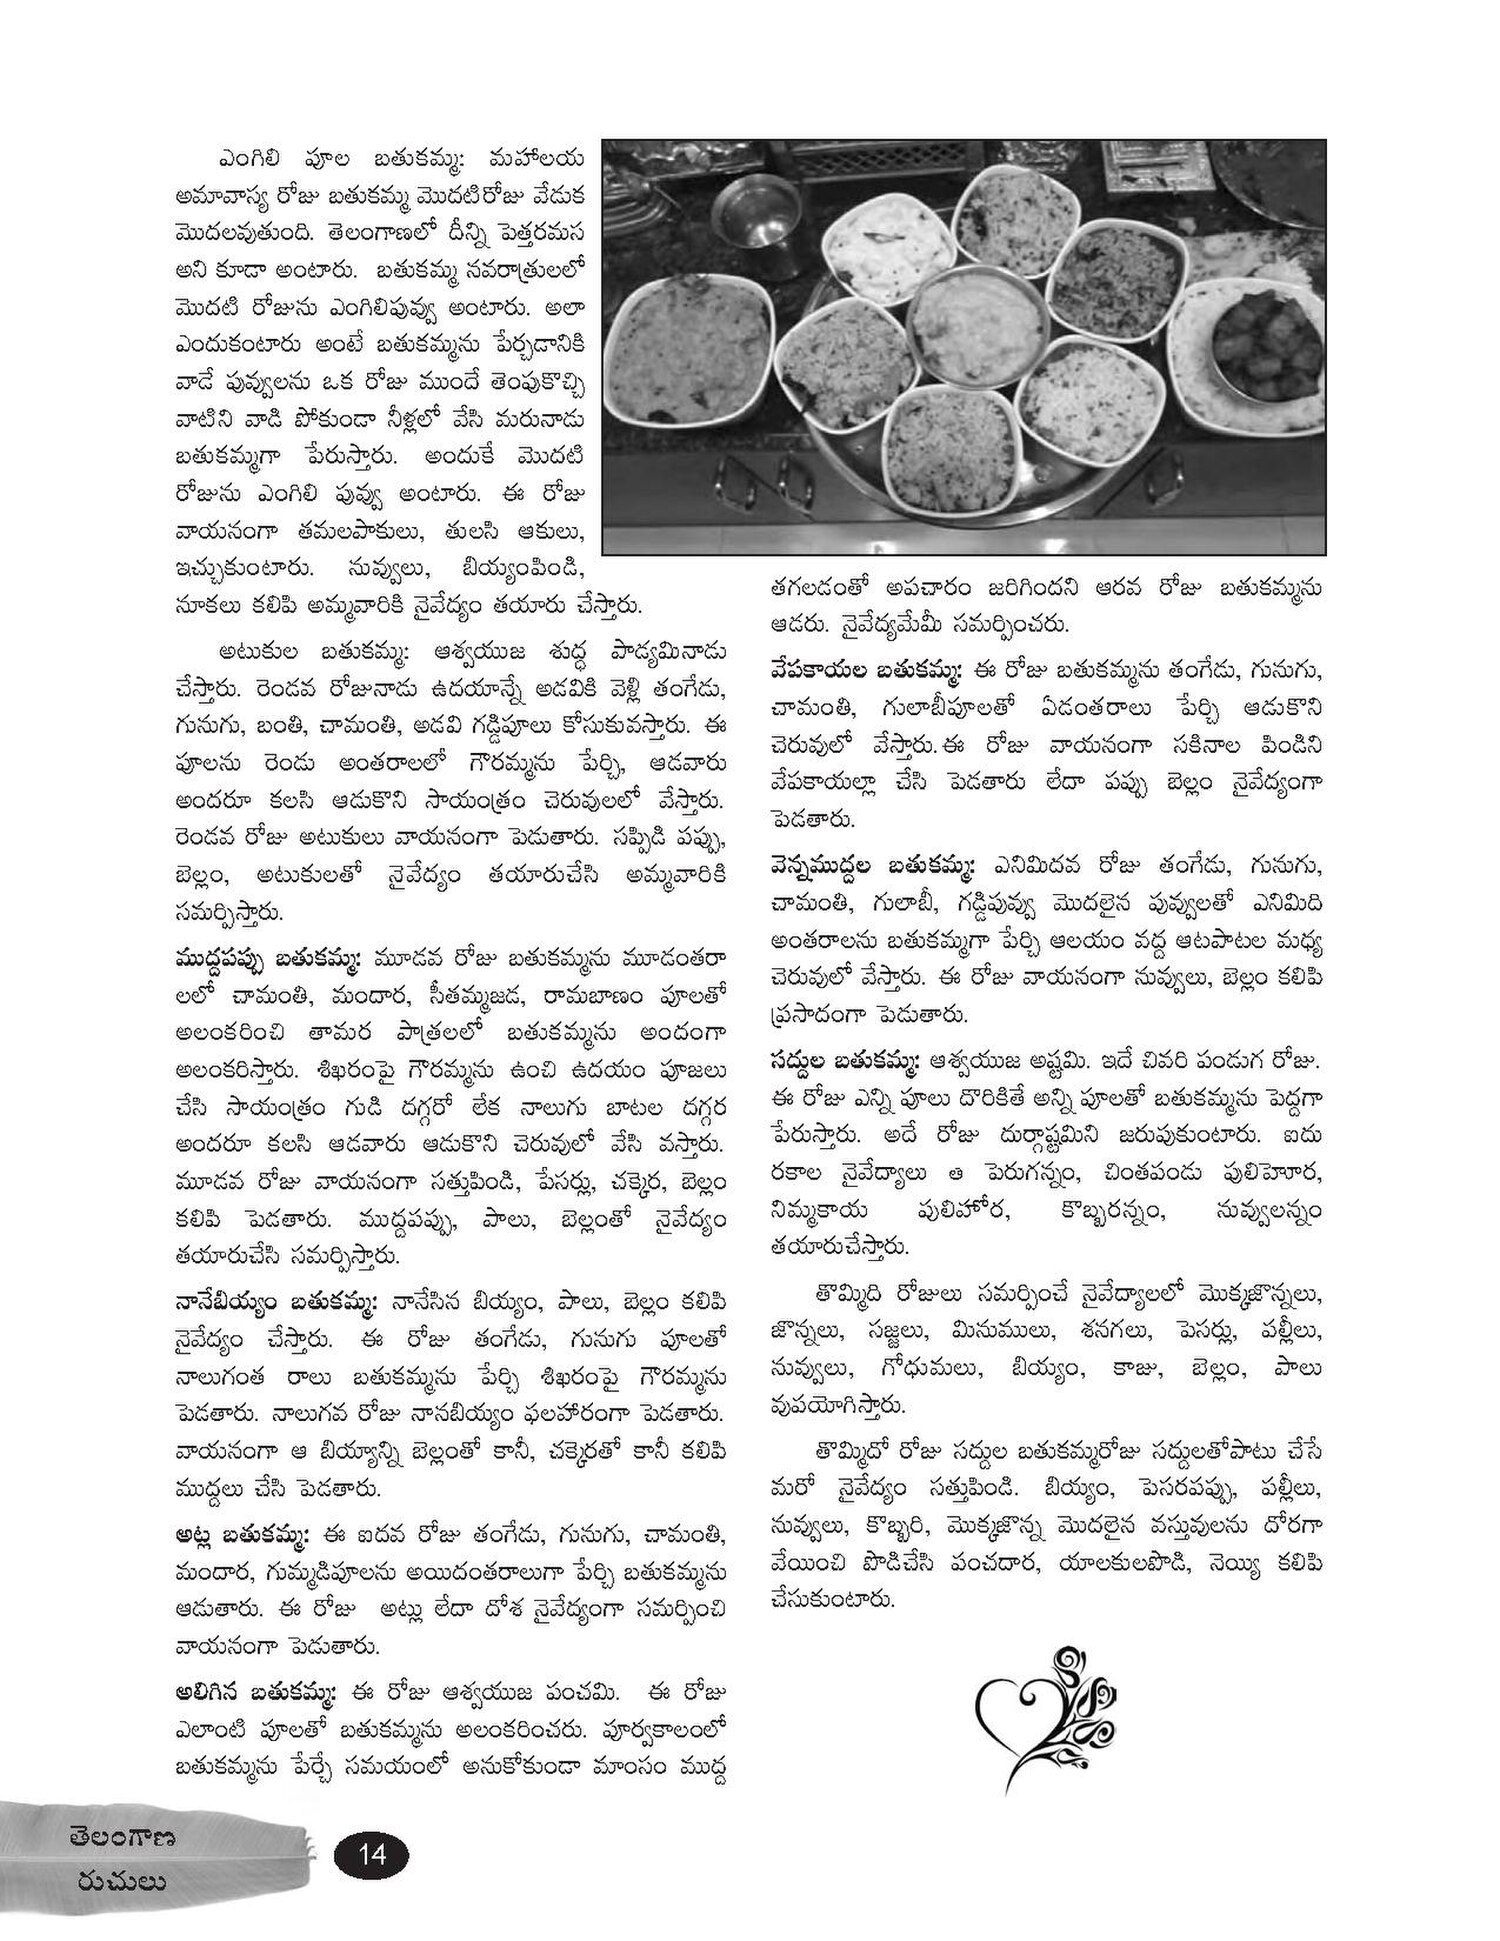ఎంగిలి పూల బతుకమ్మ: మహాలయ అమావాస్య రోజు బతుకమ్మ మొదటి రోజు వేడుక మొదలవుతుంది. తెలంగాణలో దీన్ని పెత్తరమస అని కూడా అంటారు. బతుకమ్మ నవరాత్రులలో మొదటి రోజును ఎంగిలిపువ్వు అంటారు. అలా
ఎందుకంటారు అంటే బతుకమ్మను పేర్చడానికి వాడే పువ్వులను ఒక రోజు ముందే తెంపుకొచ్చివాటిని వాడి పోకుండా నీళ్లలో వేసి మరునాడు బతుకమ్మగా పేరుస్తారు. అందుకే మొదటి రోజును ఎంగిలి పువ్వు అంటారు. ఈ రోజు
వాయనంగా తమలపాకులు, తులసి ఆకులు, ఇచ్చుకుంటారు. నువ్వులు, బియ్యంపిండి, నూకలు కలిపి అమ్మవారికి నైవేద్యం తయారు చేస్తారు.

అటుకుల బతుకమ్మ: ఆశ్వయుజ శుద్ధ పాడ్యమినాడు చేస్తారు. రెండవ రోజునాడు ఉదయాన్నే అడవికి వెళ్లి తంగేడు,
గునుగు, బంతి, చామంతి, అడవి గడ్డిపూలు కోసుకువస్తారు. ఈ పూలను రెండు అంతరాలలో గౌరమ్మను పేర్చి, ఆడవారు అందరూ కలసి ఆడుకొని సాయంత్రం చెరువులలో వేస్తారు. రెండవ రోజు అటుకులు వాయనంగా పెడుతారు. సప్పిడి పప్పు, బెల్లం, అటుకులతో నైవేద్యం తయారుచేసి అమ్మవారికి సమర్పిస్తారు.

ముద్దపప్పు బతుకమ్మ: మూడవ రోజు బతుకమ్మను మూడంతరాలలో చామంతి, మందార, సీతమ్మజడ, రామబాణం పూలతో అలంకరించి తామర పాత్రలలో బతుకమ్మను అందంగా అలంకరిస్తారు. శిఖరంపై గౌరమ్మను ఉంచి ఉదయం పూజలు చేసి సాయంత్రం గుడి దగ్గరో లేక నాలుగు బాటల దగ్గర అందరూ కలసి ఆడవారు ఆడుకొని చెరువులో వేసి వస్తారు. మూడవ రోజు వాయనంగా సత్తుపిండి, పేసర్లు, చక్కెర, బెల్లం కలిపి పెడతారు. ముద్దపప్పు, పాలు, బెల్లంతో నైవేద్యం తయారుచేసి సమర్పిస్తారు.

నానేబియ్యం బతుకమ్మ: నానేసిన బియ్యం, పాలు, బెల్లం కలిపి నైవేద్యం చేస్తారు. ఈ రోజు తంగేడు, గునుగు పూలతో నాలుగంత రాలు బతుకమ్మను పేర్చి శిఖరంపై గౌరమ్మను పెడతారు. నాలుగవ రోజు నానబియ్యం ఫలహారంగా పెడతారు. వాయనంగా ఆ బియ్యాన్ని బెల్లంతో కానీ, చక్కెరతో కానీ కలిపి ముద్దలు చేసి పెడతారు.

అట్ల బతుకమ్మ: ఈ ఐదవ రోజు తంగేడు, గునుగు, చామంతి, మందార, గుమ్మడిపూలను అయిదంతరాలుగా పేర్చి బతుకమ్మను ఆడుతారు. ఈ రోజు అట్లు లేదా దోశ నైవేద్యంగా సమర్పించి వాయనంగా పెడుతారు.

అలిగిన బతుకమ్మ: ఈ రోజు ఆశ్వయుజ పంచమి. ఈ రోజు ఎలాంటి పూలతో బతుకమ్మను అలంకరించరు. పూర్వకాలంలో బతుకమ్మను పేర్చే సమయంలో అనుకోకుండా మాంసం ముద్ద తగలడంతో అపచారం జరిగిందని ఆరవ రోజు బతుకమ్మను ఆడరు. నైవేద్యమేమీ సమర్పించరు.

వేపకాయల బతుకమ్మ: ఈ రోజు బతుకమ్మను తంగేడు, గునుగు, చామంతి, గులాబీపూలతో ఏడంతరాలు పేర్చి ఆడుకొని చెరువులో వేస్తారు. ఈ రోజు వాయనంగా సకినాల పిండిని వేపకాయల్లా చేసి పెడతారు లేదా పప్పు బెల్లం నైవేద్యంగా పెడతారు.

వెన్నముద్దల బతుకమ్మ: ఎనిమిదవ రోజు తంగేడు, గునుగు, చామంతి, గులాబీ, గడ్డిపువ్వు మొదలైన పువ్వులతో ఎనిమిది అంతరాలను బతుకమ్మగా పేర్చి ఆలయం వద్ద ఆటపాటల మధ్య చెరువులో వేస్తారు. ఈ రోజు వాయనంగా నువ్వులు, బెల్లం కలిపి ప్రసాదంగా పెడుతారు.

సద్దుల బతుకమ్మ: ఆశ్వయుజ అష్టమి. ఇదే చివరి పండుగ రోజు. ఈ రోజు ఎన్ని పూలు దొరికితే అన్ని పూలతో బతుకమ్మను పెద్దగా పేరుస్తారు. అదే రోజు దుర్గాష్టమిని జరుపుకుంటారు. ఐదు రకాల నైవేద్యాలు ఆ పెరుగన్నం, చింతపండు పులిహోర, నిమ్మకాయ పులిహోర, కొబ్బరన్నం, నువ్వులన్నం తయారుచేస్తారు.

తొమ్మిది రోజులు సమర్పించే నైవేద్యాలలో మొక్కజొన్నలు, జొన్నలు, సజ్జలు, మినుములు, శనగలు, పెసర్లు, పల్లీలు,
నువ్వులు, గోధుమలు, బియ్యం, కాజు, బెల్లం, పాలు వుపయోగిస్తారు.

తొమ్మిదో రోజు సద్దుల బతుకమ్మరోజు సద్దులతోపాటు చేసే మరో నైవేద్యం సత్తుపిండి. బియ్యం, పెసరపప్పు, పల్లీలు,
నువ్వులు, కొబ్బరి, మొక్కజొన్న మొదలైన వస్తువులను దోరగా వేయించి పొడిచేసి పంచదార, యాలకులపొడి, నెయ్యి కలిపి చేసుకుంటారు.